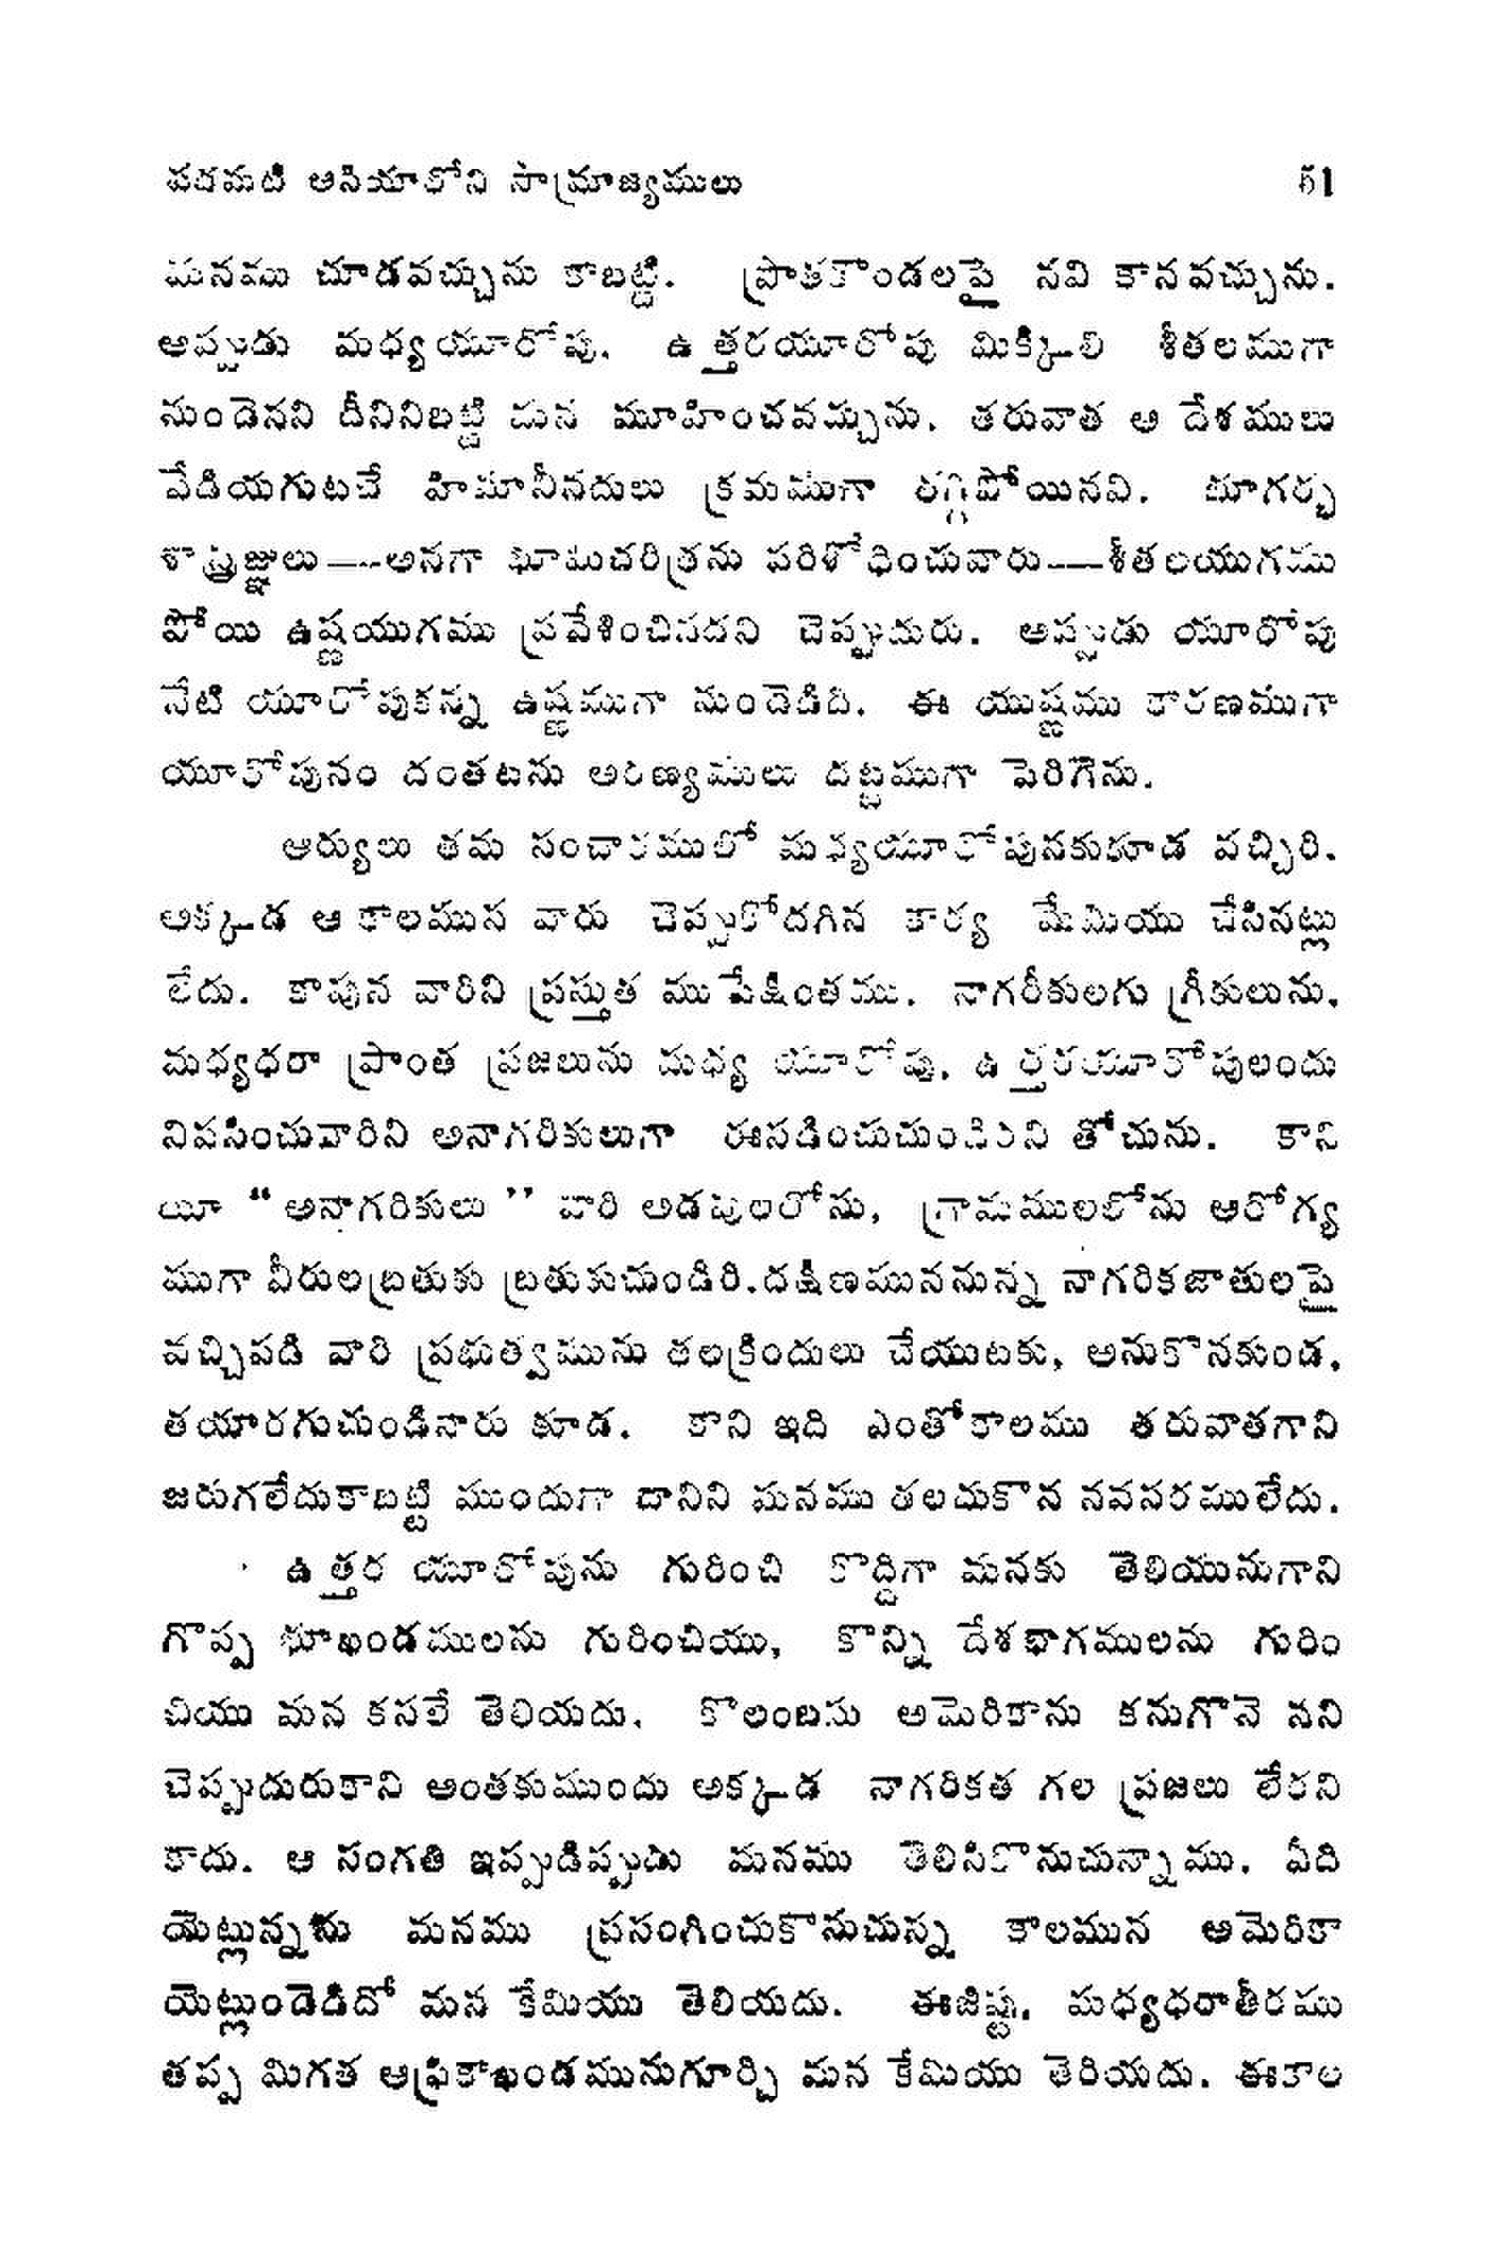మనము చూడవచ్చును కాబట్టి. ప్రాతకొండలపై నవి కానవచ్చును. అప్పుడు మధ్యయూరోపు, ఉత్తరయూరోపు మిక్కిలి శీతలముగా నుండెనని దీనినిబట్టి మన మూహించవచ్చును. తరువాత ఆ దేశములు వేడియగుటచే హిమానీనదులు క్రమముగా తగ్గిపోయినవి. భూగర్భ శాస్త్రజ్ఞులు - అనగా భూమిచరిత్రను పరిశోధించువారు ... శీతలయుగము పోయి ఉష్ణయుగము ప్రవేశించినదని చెప్పుదురు. అప్పుడు యూరోపు నేటి యూరోపుకన్న ఉష్ణముగా నుండెడిది. ఈ యుష్ణము కారణముగా యూరోపునం దంతటను అరణ్యములు దట్టముగా పెరిగెను.

ఆర్యులు తమ సంచారములో మధ్యయూరోపునకుకూడ వచ్చిరి. అక్కడ ఆ కాలమున వారు చెప్పుకోదగిన కార్య మేమియు చేసినట్లు లేదు. కావున వారిని ప్రస్తుత ముపేక్షింతము. నాగరీకులగు గ్రీకులును, మధ్యధరా ప్రాంత ప్రజలును మధ్య యూరోపు, ఉత్తరయూరోపులందు నివసించువారిని అనాగరికులుగా ఈసడించుచుండిరని తోచును. కాని యీ "అనాగరికులు" వారి అడపులలోను, గ్రామములలోను ఆరోగ్యముగా వీరులబ్రతుకు బ్రతుకుచుండిరి. దక్షిణముననున్న నాగరికజాతులపై వచ్చిపడి వారి ప్రభుత్వమును తలక్రిందులు చేయుటకు, అనుకొనకుండ, తయారగుచుండినారు కూడ. కాని ఇది ఎంతో కాలము తరువాతగాని జరుగలేదుకాబట్టి ముందుగా దానిని మనము తలచుకొన నవసరములేదు .

ఉత్తర యూరోపును గురించి కొద్దిగా మనకు తెలియునుగాని గొప్ప భూఖండములను గురించియు, కొన్ని దేశభాగములను గురించియు మన కసలే తెలియదు. కొలంబసు అమెరికాను కనుగొనె సని చెప్పుదురుకాని అంతకుముందు అక్కడ నాగరికత గల ప్రజలు లేరని కాదు. ఆ సంగతి ఇప్పుడిప్పుడు మనము తెలిసికొనుచున్నాము. ఏది యెట్లున్నను మనము ప్రసంగించుకొనుచున్న కాలమున అమెరికా యెట్లుండెడిదో మన కేమియు తెలియదు. ఈజిప్టు.. మధ్యధరాతీరము తప్ప మిగత ఆఫ్రికాఖండమునుగూర్చి మన కేమియు తెలియదు. ఈకాల